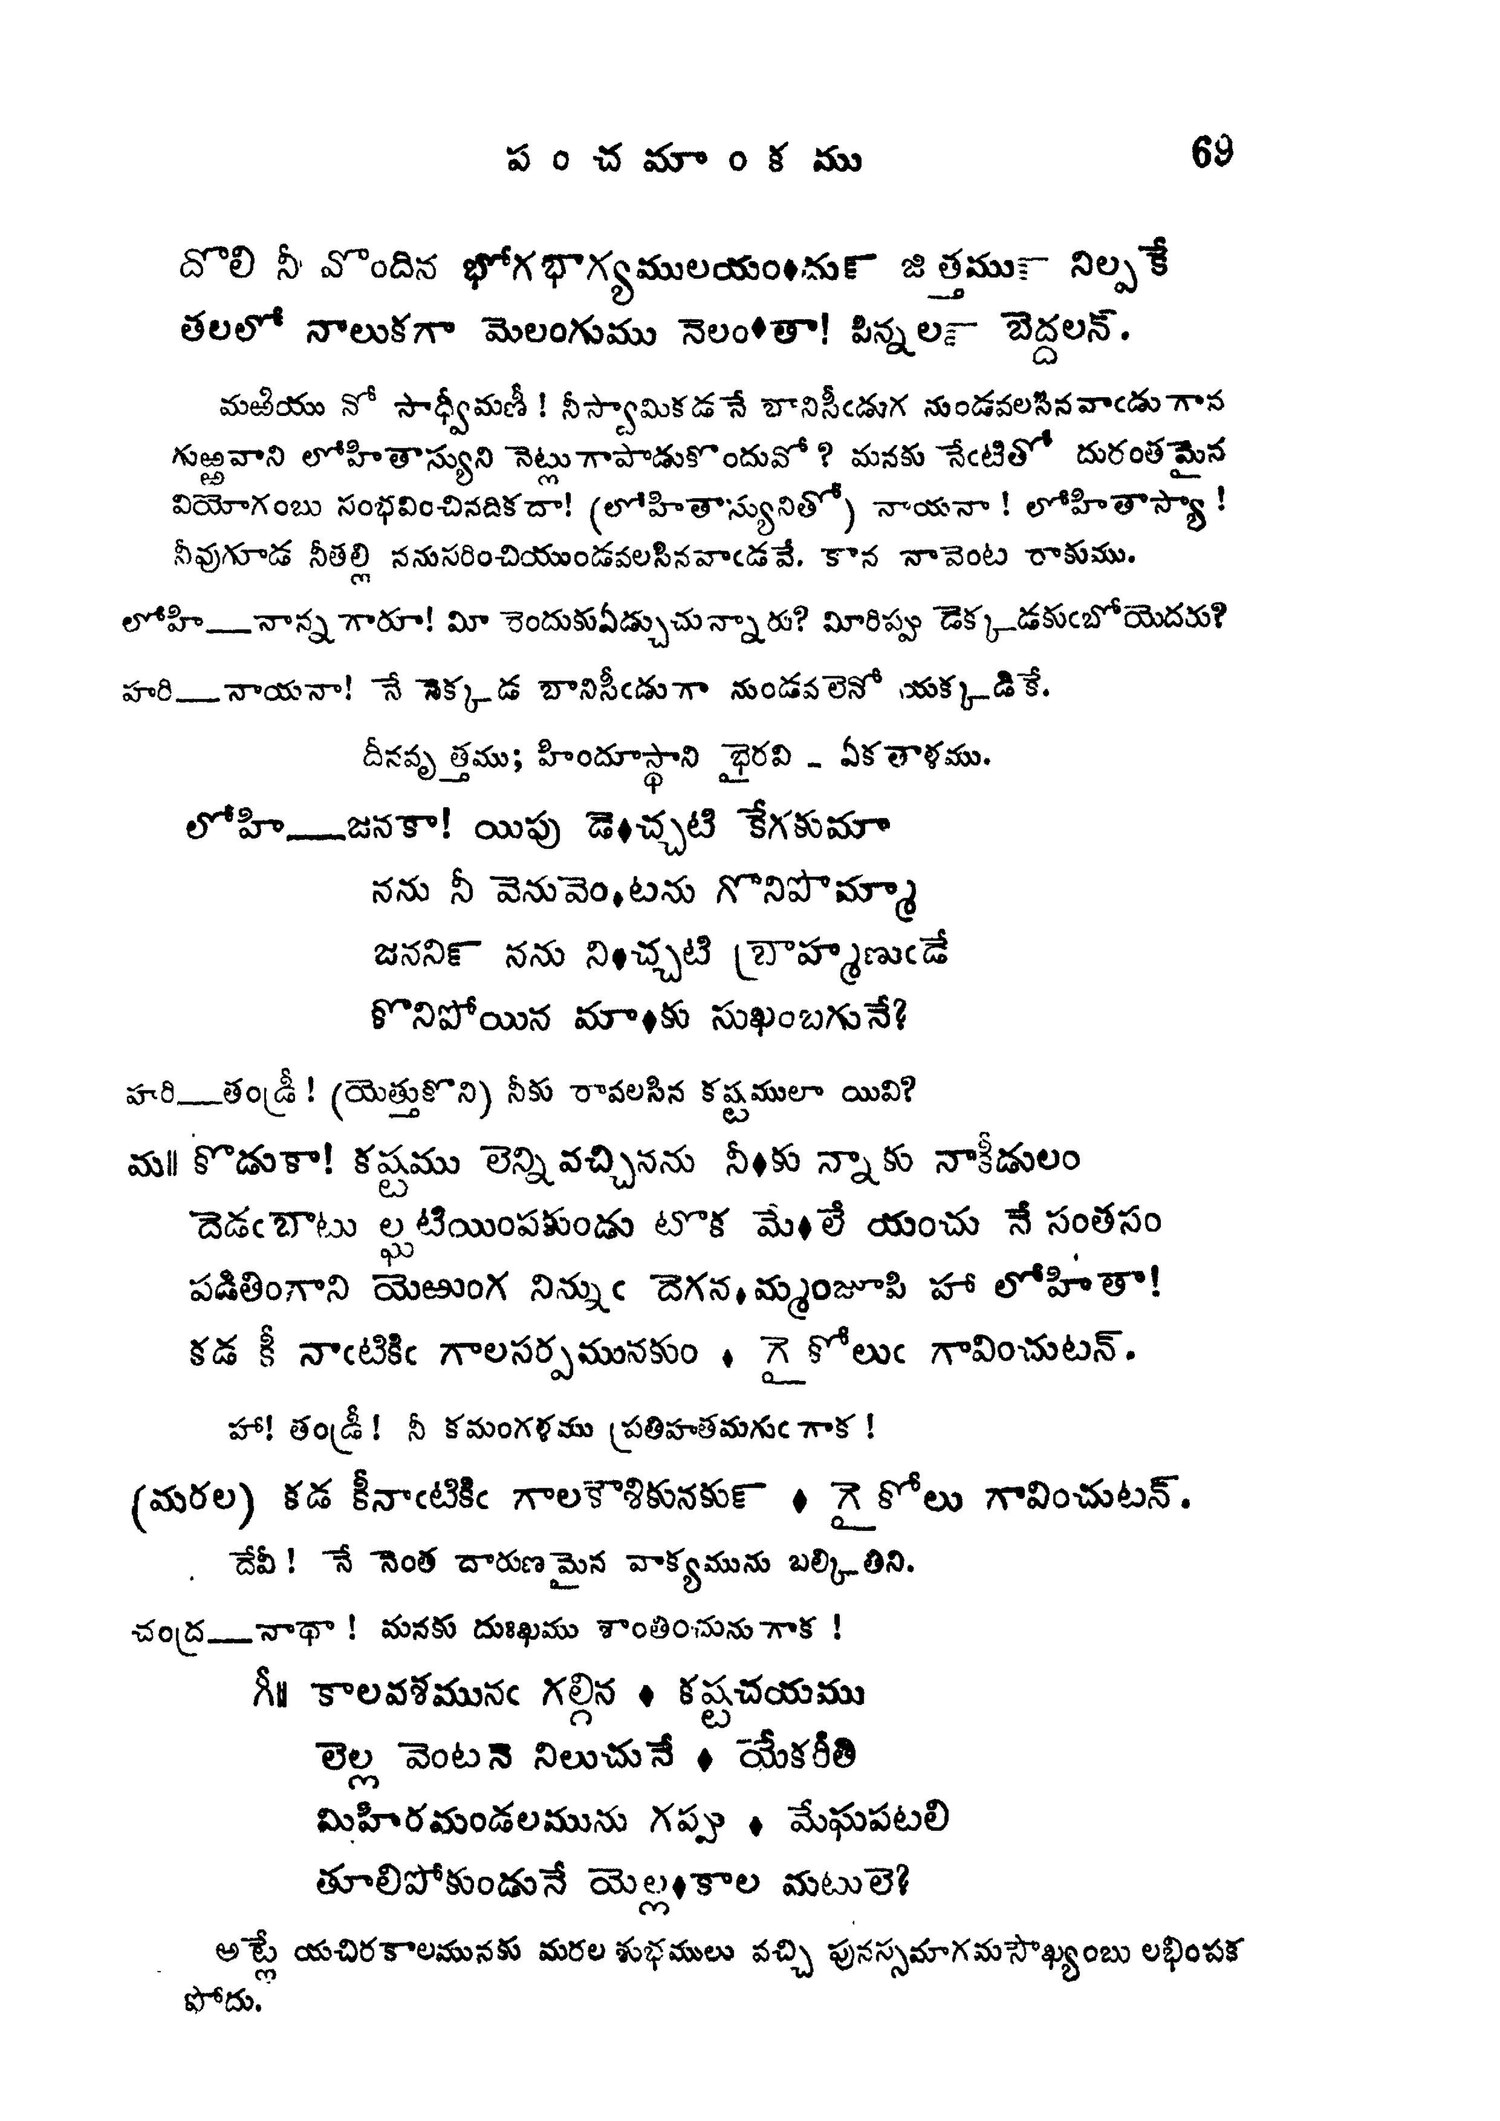దొలి నీ వొందిన భోగభాగ్యముల యందున్‌ జిత్తమున్‌ నిల్పకే
తలలో నాలుకగా మెలంగుము నెలంతీ! పిన్నలన్‌ బెద్దలన్‌.

మఱియు నో సాధ్వీమణి! నీ స్వామి కడనె బానిసీఁడుగ నుండవలసినవాడు గానఁ గుఱ్ఱవాని లోహితాస్యునెట్లు కాపాడుకొందువో? మనకు నేటితో దురంతమైన వియోగంబు సంభవించినది కదా! (లోహితాస్యునితో) నాయనా! లోహితాస్యా! నీవు కూడా నీ తల్లి ననుసరించి యుండవలసినవాడవే కాన నావెంట రాకుము.

లోహి - 	నాన్నగారూ! మీ రెందుల కేడ్చుచున్నారు? మీ రిప్పుడెక్కడకు బోయెదరు?

హరి - 	నాయనా! నే నెక్కడ బానిసీఁడుగా నుండవలెనో యక్కడికే.

(దీనవృత్తము - హిందూస్థానీ భైరవి -ఆది తాళము)

లోహి - జనకా! యిపుడెచ్చటి కేగకుమా
నను నీ వెనువెంటను గొనిపొమ్మా
జననిన్‌ నను నిచ్చట బ్రాహ్మణుఁడే
కొనిపోయిన మాకు సుఖంబగునే?

హరి - తండ్రీ! (యెత్తుకొని) నీకు రావలసిన కష్టములా ఇవి?

మ. 	కొడుకా! కష్టము లెన్ని వచ్చినను నీకున్నాకు నాకీడులం
దెడబాటు ల్ఘటింయింపకుండు టొక మేలే యంచు నే సంతసం
బడితింగాని యెఱుంగనిన్నుఁ దెగనమ్మంజూపి హా లోహితా!
కడ కీనాటికి గాలసర్పమునకుం గైకోలుఁ గావించుటన్‌.

హా! తండ్రీ! నీ కమంగళము ప్రతిహత మగుగాక!

(మరల) కడ కీనాటికి గాలకౌశికునకుం గైకోలుఁ గావించుటన్‌.
దేవీ! నే నెంత దారుణమైన వాక్యము బల్కితిని.

చంద్ర - 	నాథా! మనకు దుఃఖము శాంతించుగాక!

గీ. 	కాలవశమున గల్గిన కష్టచయము
లెల్ల వెంటనే నిలుచునే యేక రీతి
మిహిర మండలమును గప్పు మేఘరీతి
తూలిపోకుండునే యెల్ల కాలమటుల?

అట్లే యచిరకాలమునకు మరల శుభములు వచ్చి పునస్సమాగమ సౌఖ్యము లభించకపోదు.